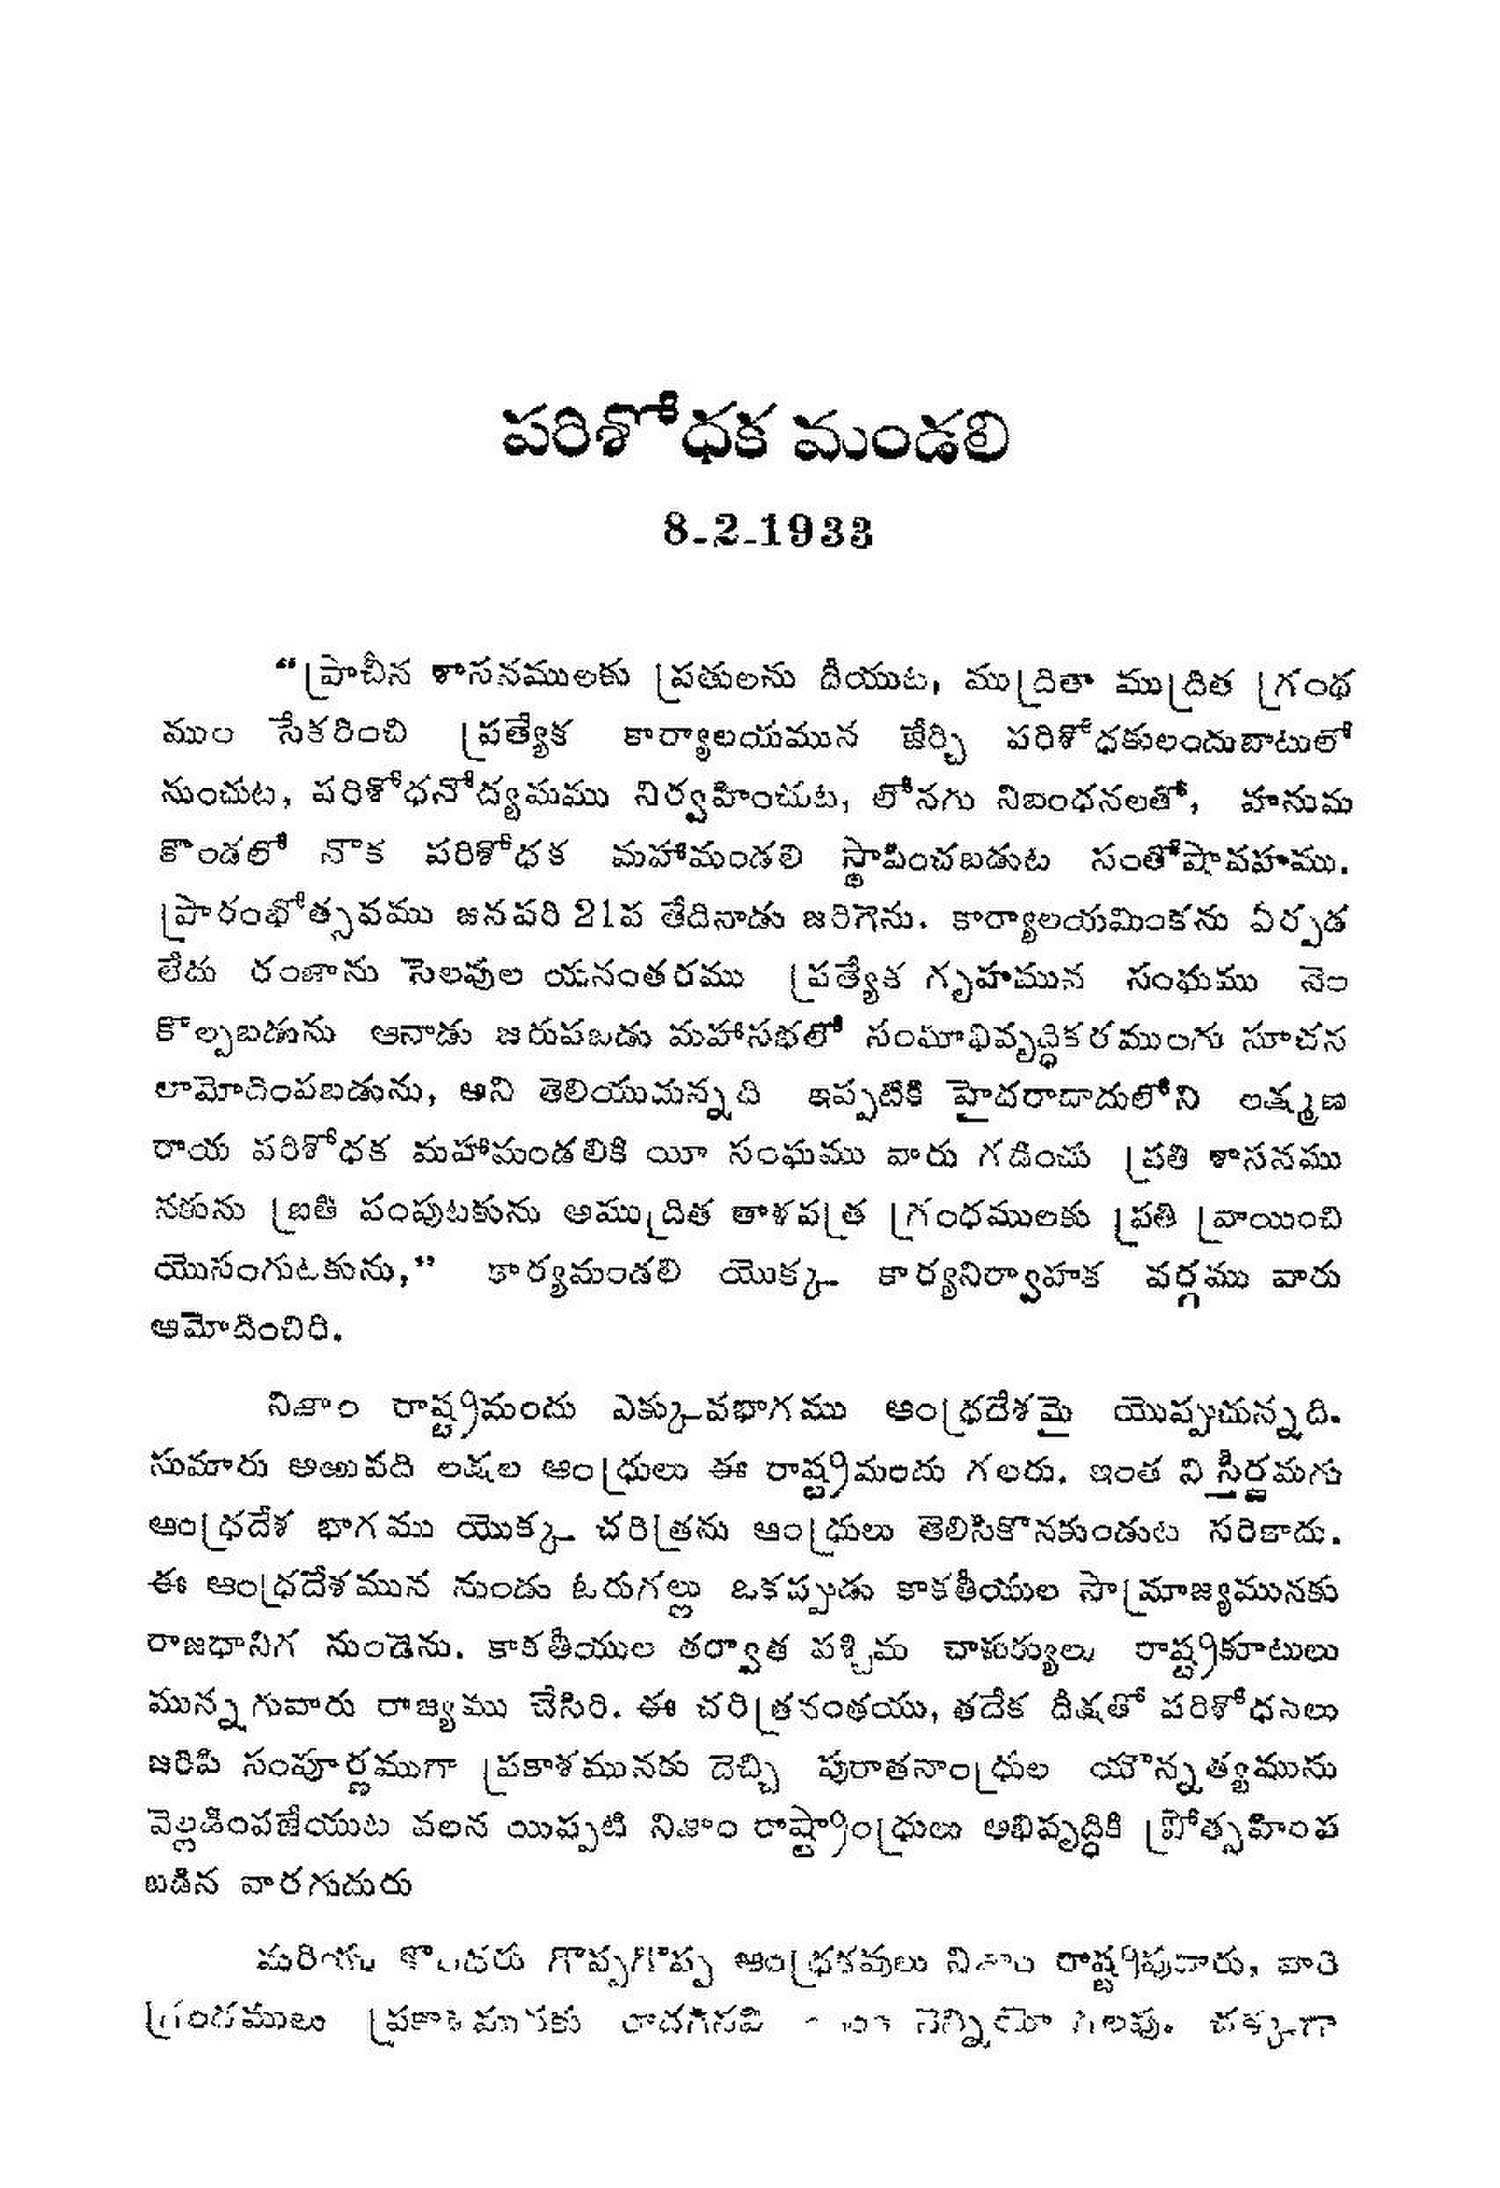పరిశోధక మండలి

8-2-1933

"ప్రాచీన శాసనములకు ప్రతులను దీయుట, ముద్రితా ముద్రిత గ్రంథముల సేకరించి ప్రత్యేక కార్యాలయమున జేర్చి పరిశోధకులందుబాటులో నుంచుట, పరిశోధనోద్యమము నిర్వహించుట, లోనగు నిబంధనలతో, హనుమకొండలో నొక పరిశోధక మహామండలి స్థాపించబడుట సంతోషావహము. ప్రారంభోత్సవము జనవరి 21వ తేదీనాడు జరిగెను. కార్యాలయమింకను ఏర్పడలేదు రంజాను సెలవుల యనంతరము ప్రత్యేక గృహమున సంఘము నెలకొల్పబడును ఆనాడు జరుపబడు మహాసభలో సంఘాభివృద్ధికరములగు సూచన లామోదింపబడును, అని తెలియుచున్నది ఇప్పటికి హైదరాబాదులోని లక్ష్మణరాయ పరిశోధక మహామండలికి యీ సంఘము వారు గడించు ప్రతి శాసనమునకును బ్రతి పంపుటకును అముద్రిత తాళపత్ర గ్రంధములకు ప్రతి వ్రాయించి యొసంగుటకును," కార్యమండలి యొక్క కార్యనిర్వాహక వర్గము వారు ఆమోదించిరి.

నిజాం రాష్ట్రమందు ఎక్కువభాగము ఆంధ్రదేశమై యొప్పుచున్నది. సుమారు అఱువది లక్షల ఆంధ్రులు ఈ రాష్ట్రమందు గలరు. ఇంత విస్తీర్ణమగు ఆంధ్రదేశ భాగము యొక్క చరిత్రను ఆంధ్రులు తెలిసికొనకుండుట సరికాదు.
ఈ ఆంధ్రదేశమున నుండు ఓరుగల్లు ఒకప్పుడు కాకతీయుల సామ్రాజ్యమునకు రాజధానిగ నుండెను. కాకతీయుల తర్వాత పశ్చిమ చాళుక్యులు రాష్ట్రకూటులు మున్నగువారు రాజ్యము చేసిరి. ఈ చరిత్రనంతయు, తదేక దీక్షతో పరిశోధనలు జరిపి సంపూర్ణముగా ప్రకాశమునకు దెచ్చి పురాతనాంధ్రుల యౌన్నత్యమును వెల్లడింపజేయుట వలన యిప్పటి నిజాం రాష్ట్రాంధ్రులు అభివృద్ధికి ప్రోత్సహింపబడిన వారగుదురు

మరియు కొందరు గొప్పగొప్ప ఆంధ్రకవులు నిజాం రాష్ట్రపువారు, వారి గ్రంధములు ప్రకాశమునకు రాదగినవి --------- నెన్నియో గలవు. చక్కగా